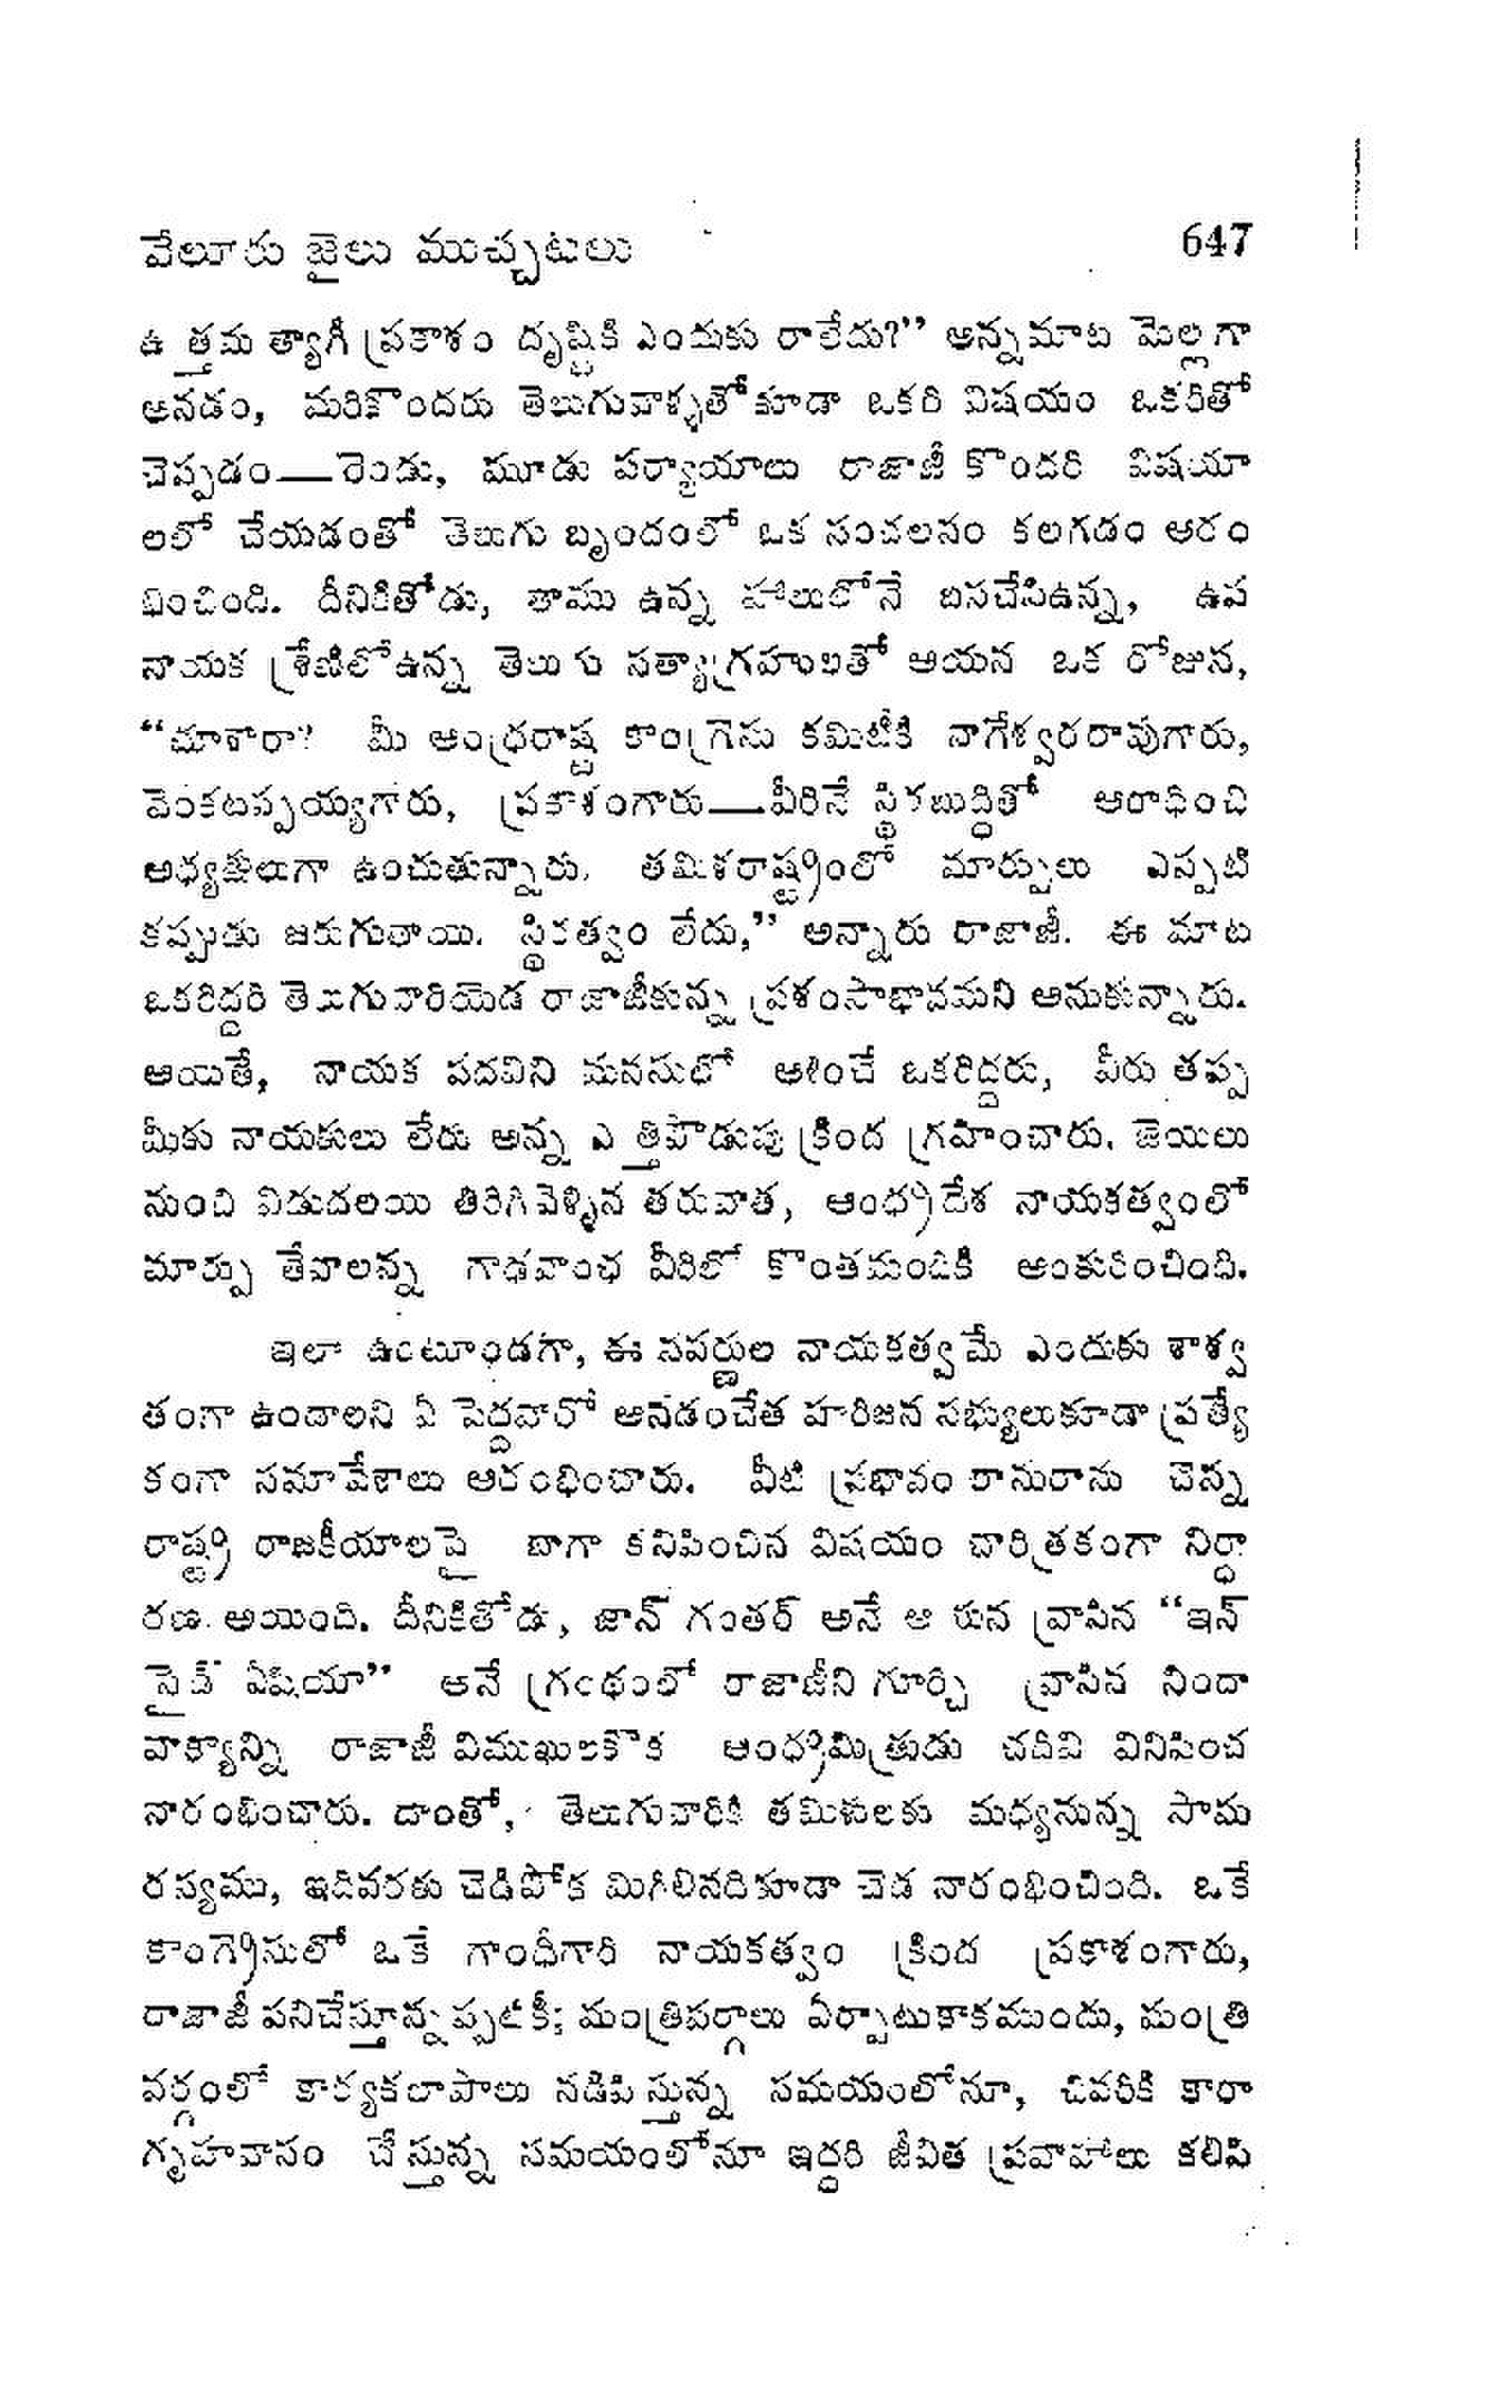ఉత్తమ త్యాగీ ప్రకాశం దృష్టికి ఎందుకు రాలేదు?" అన్నమాట మెల్లగా అనడం, మరికొందరు తెలుగువాళ్ళతోకూడా ఒకరి విషయం ఒకరితో చెప్పడం - రెండు, మూడు పర్యాయాలు రాజాజీ కొందరి విషయాలలో చేయడంతో తెలుగు బృందంలో ఒక సంచలనం కలగడం ఆరంబించింది. దీనికితోడు, తాము ఉన్న హాలులోనే బసచేసిఉన్న, ఉపనాయక శ్రేణిలోఉన్న తెలుగు సత్యాగ్రహులతో ఆయన ఒక రోజున, "చూశారా! మీ ఆంధ్రరాష్ట్ర కమిటీకి నాగేశ్వరరావు గారు, వెంకటప్పయ్యగారు, ప్రకాశంగారు - వీరినే స్థిరబుద్ధితో ఆరాధించి అధ్యక్షులుగా ఉంచుతున్నారు, తమిళరాష్ట్రంలో మార్పులు ఎప్పటికప్పుడు జరుగుతాయి. స్థిరత్వం లేదు," అన్నారు రాజాజీ. ఈ మాట ఒకరిద్దరి తెలుగువారియెడ రాజాజీకున్న ప్రశంసాభావమని అనుకున్నారు. అయితే, నాయక పదవిని మనసులో ఆశించే ఒకరిద్దరు, వీరు తప్ప మీకు నాయకులు లేరు అన్న ఎత్తిపొడుపు క్రింద గ్రహించారు. జెయిలు నుంచి విడుదలయి తిరిగివెళ్ళిన తరువాత, ఆంధ్రదేశ నాయకత్వంలో మార్పు తేవాలన్న గాడవాంఛ వీరిలో కొంతమందికి అంకురించింది,

ఇలా ఉంటూండగా, ఈ సపర్ణుల నాయకత్వమే ఎందుకు శాశ్వతంగా ఉండాలని ఏ పెద్దవారో అనడంచేత హరిజన సభ్యులుకూడా ప్రత్యేకంగా సమావేశాలు ఆరంభించారు. వీటి ప్రభావం రానురాను చెన్నరాష్ట్ర రాజకీయాలపై బాగా కనిపించిన విషయం చారిత్రకంగా నిర్దారణ అయింది. దీనికితోడు, జాన్ గంతర్ అనే ఆయన వ్రాసిన "ఇన్‌సైడ్ ఏషియా" అనే గ్రంథంలో రాజాజీని గూర్చి వ్రాసిన నిందా వాక్యాన్ని రాజాజీ విముఖులకొక ఆంధ్రమిత్రుడు చదివి వినిపించ నారంభించారు. దాంతో, తెలుగువారికి తమిళులకు మధ్యనున్న సామరస్యము, ఇదివరకు చెడిపోక మిగిలినదికూడా చెడ నారంభించింది. ఒకే కాంగ్రెసులో ఒకే గాంధీగారి నాయకత్వం క్రింద ప్రకాశంగారు, రాజాజీ పనిచేస్తూన్నప్పటికీ; మంత్రివర్గాలు ఏర్పాటు కాకముందు, మంత్రి వర్గంలో కార్యకలాపాలు నడిపిస్తున్న సమయంలోనూ, చివరికి కారాగృహవాసం చేస్తున్న సమయంలోనూ ఇద్దరి జీవిత ప్రవాహాలు కలిసి